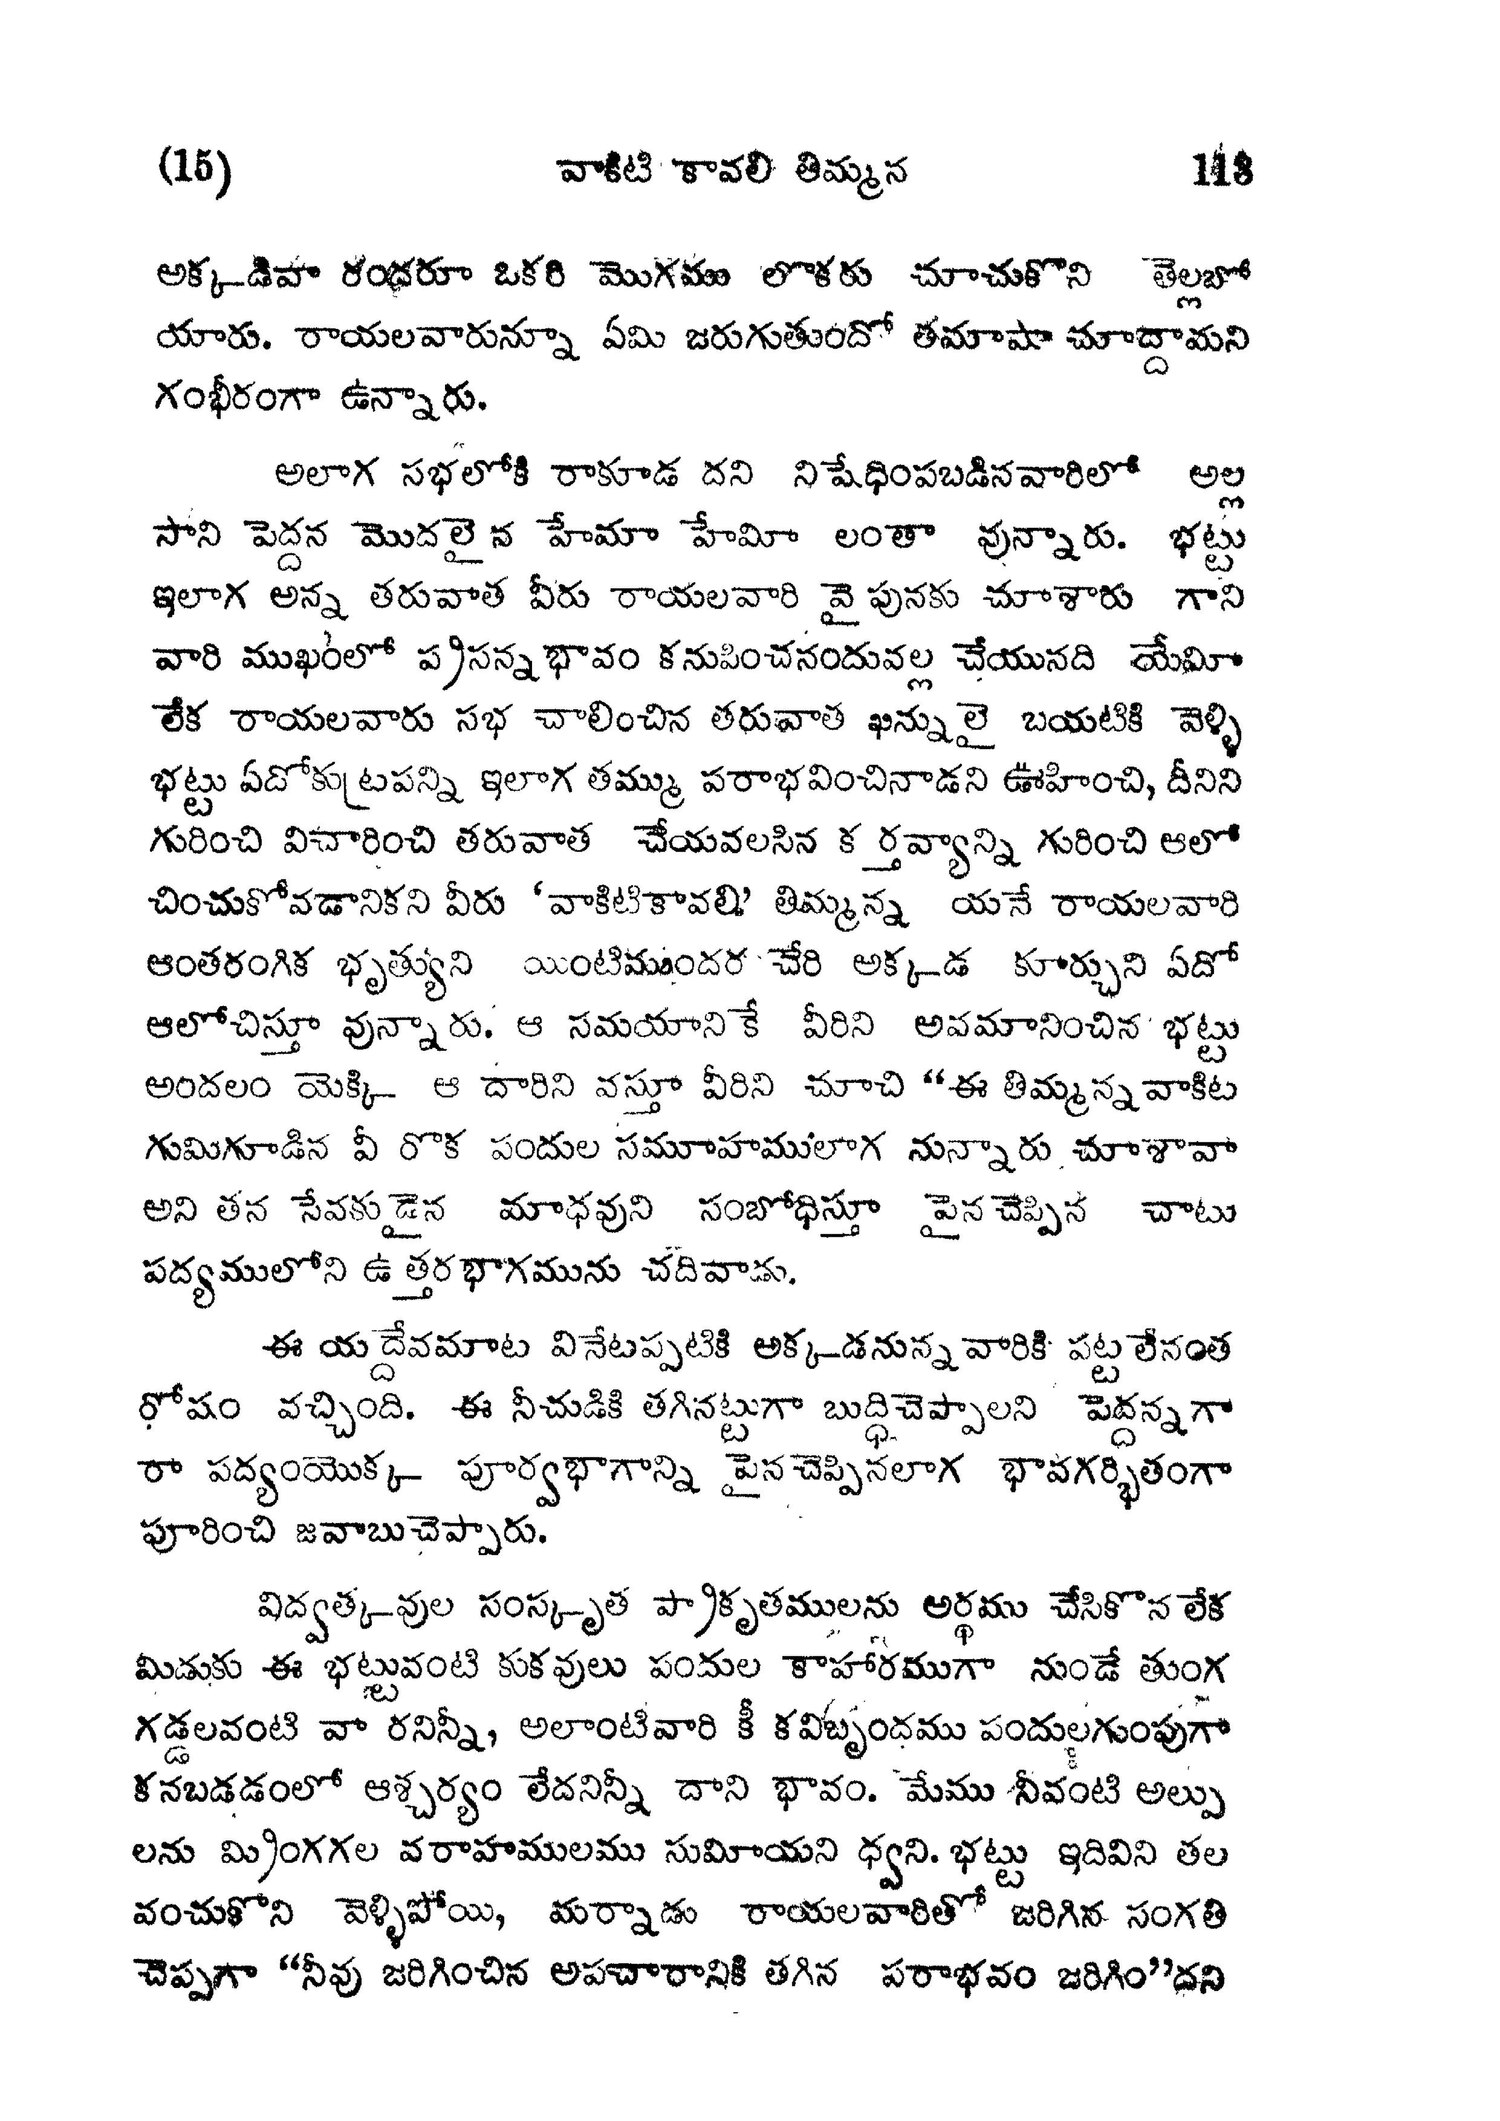అక్కడివా రందరూ ఒకరి మొగము లొకరు చూచుకొని తెల్లబోయారు. రాయలవారున్నూ ఏమి జరుగుతుందీ తమాషా చూద్దామని గంభీరంగా ఉన్నారు.

అలాగ సభలోకి రాకూడ దని నిషేధింపబడినవారిలో అల్లసాని పెద్దన మొదలైన హేమా హేమీ లంతా వున్నారు. భట్టు ఇలాగ అన్న తరువాత వీరు రాయలవారి వైపునకు ఛూశారు. గాని వారి ముఖంలో ప్రసన్నభావం కనుపించనందువల్ల చేయునది యేమీ లేక రాయలవారు సభ చాలించిన తరువాత ఖిన్నులై బయటికి వెళ్ళి భట్టు ఏదోకుట్రపన్ని ఇలాగ తమ్ము పరాభవించినాడని ఊహించి, దీనిని గురించి విచారించి తరువాత చేయవలసిన కర్తవ్యాని గురించి ఆలోచించుకోవడానికని వీరు 'వాకిటికావలి ' తిమ్మన్న యనే రాయలవారి అంతరంగిక భృత్యుని యింటిముందర చేరి అక్కడ కూర్చుని ఏదో ఆలోచిస్తూ వున్నారు. అ సమయానికే వీరిని అవమానించిన భట్టు అందలం యెక్కి ఆ దారిని వస్తూ వీరిని చూచి "ఈతిమ్మన్నవాకిట గుమిగూడిన వీ రొక పందుల సమూహములాగ నున్నారు చూశావా అని తన సేవకుడైన మాధవుని సంభో దిస్తూ పైనచెప్పిన చాటు పద్యములోని ఉత్తరభాగమును చదివాడు.

ఈ యద్దేవమాట వినేటప్పటికి అక్కడనున్నవారికి పట్టలేనంత రోషం వచ్చింది. ఈ నీచుడికి తగినట్టుగా బుద్ధిచెప్పాలని పెద్దన్నగారా పద్యంయొక్క పూర్వభాగాన్ని పైనచెప్పినలాగ భావగర్భితంగా పూరించి జవాబుచెప్పారు.

విద్వత్కవుల సంస్కృత ప్రాకృతములను అర్ధము చేసికొనలేక మిడుకు ఈ భట్టువంటి కుకవులు పందుల కాహారముగా నుండే తుంగగడ్డలవంటి వారనిన్నీ, అలాంటివారి కీ కవిబృందము పందులగుంపుగా కనబడడంలో ఆశ్చర్యం లేదనిన్నీ దాని భావం మేము నీవంటి అల్పులను మ్రింగగల వరాహములము సుమీయని ధ్వని. భట్టు ఇదివిని తల వంచుకొని వెళ్ళిపోయి, మర్నాడు రాయలవారితో జరిగిన సంగతి చెప్పగా "నీవు జరిగించిన అపచారానికి తగిన పరాభవం జరిగిం"దని